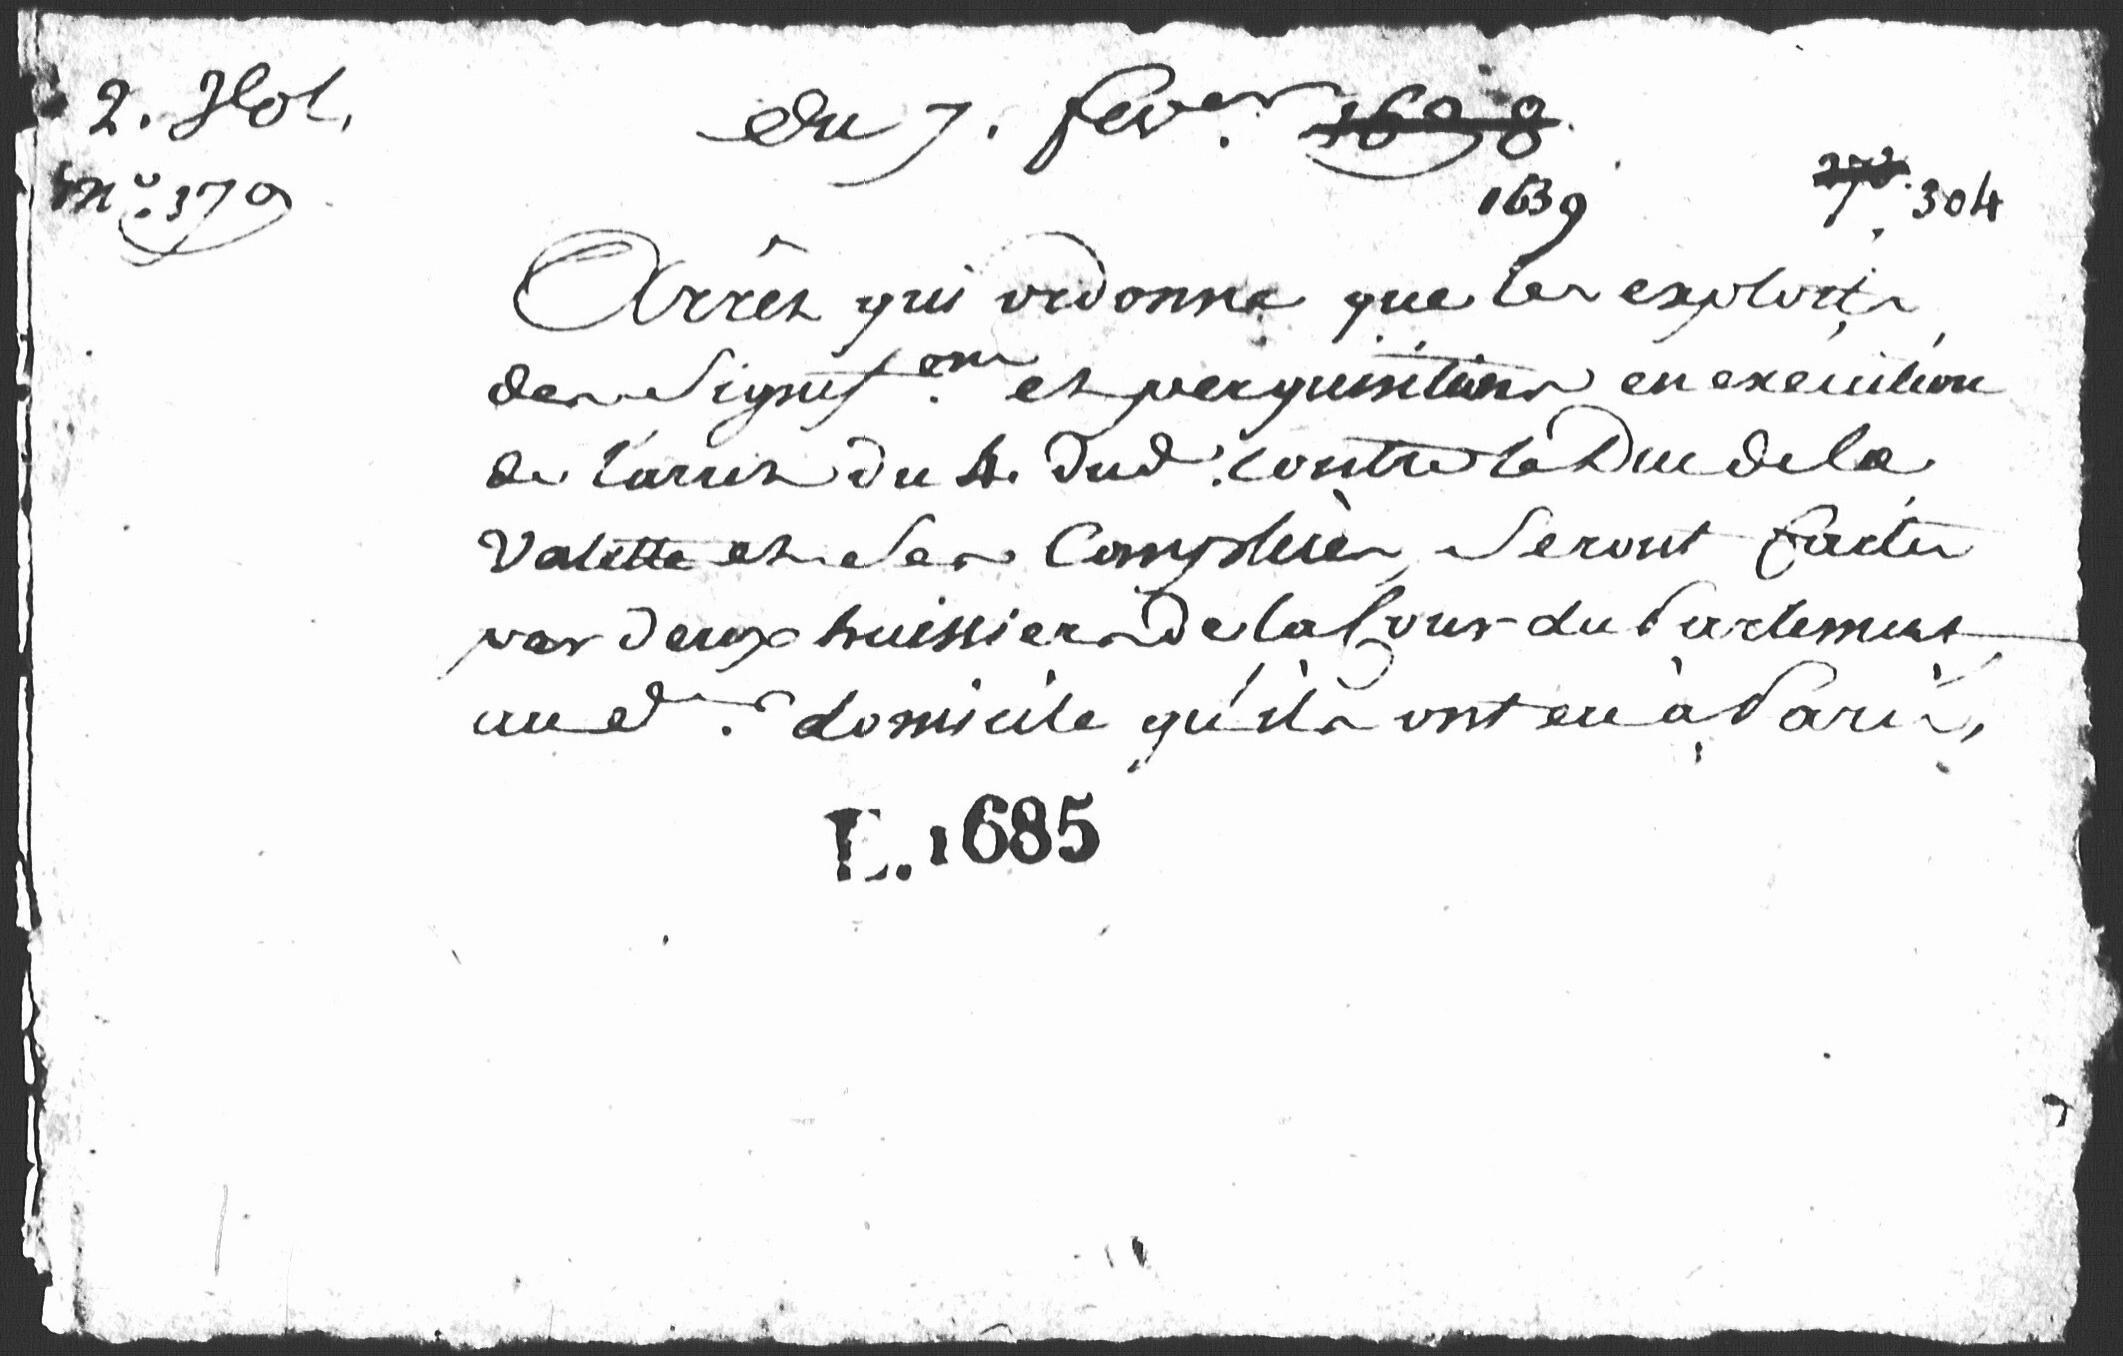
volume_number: n°179
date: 7 février 1639
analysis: [273 barré] 304
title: Arrêt qui ordonne que les exploits des signif.ons et perquisitions en exécution de l'arret du 4 dud. contre le Duc de la Valette et ses complices seront faits par deux huissiers de la Cour du Parlement aud. domicile qu'ils ont eu à Paris.
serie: E
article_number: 1685
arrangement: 2. vol.
